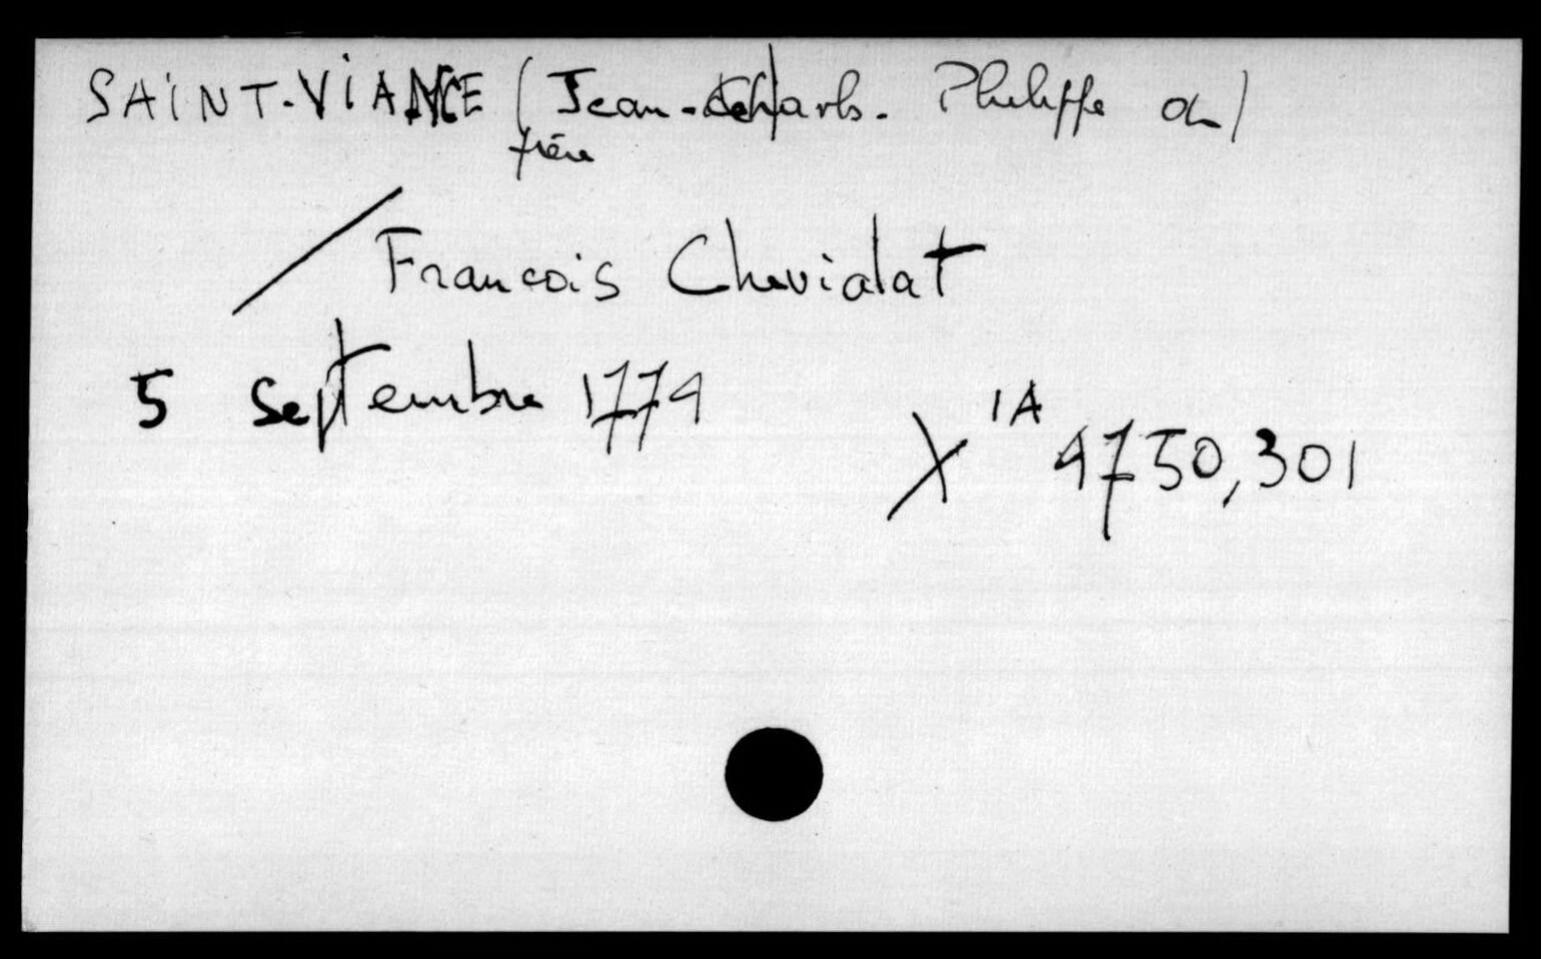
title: SAINT-VIANCE (Jean-Charles-Philippe de) frère
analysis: Contre François Chevidat
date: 5 septembre 1774
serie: X1A
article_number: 4750
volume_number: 301
